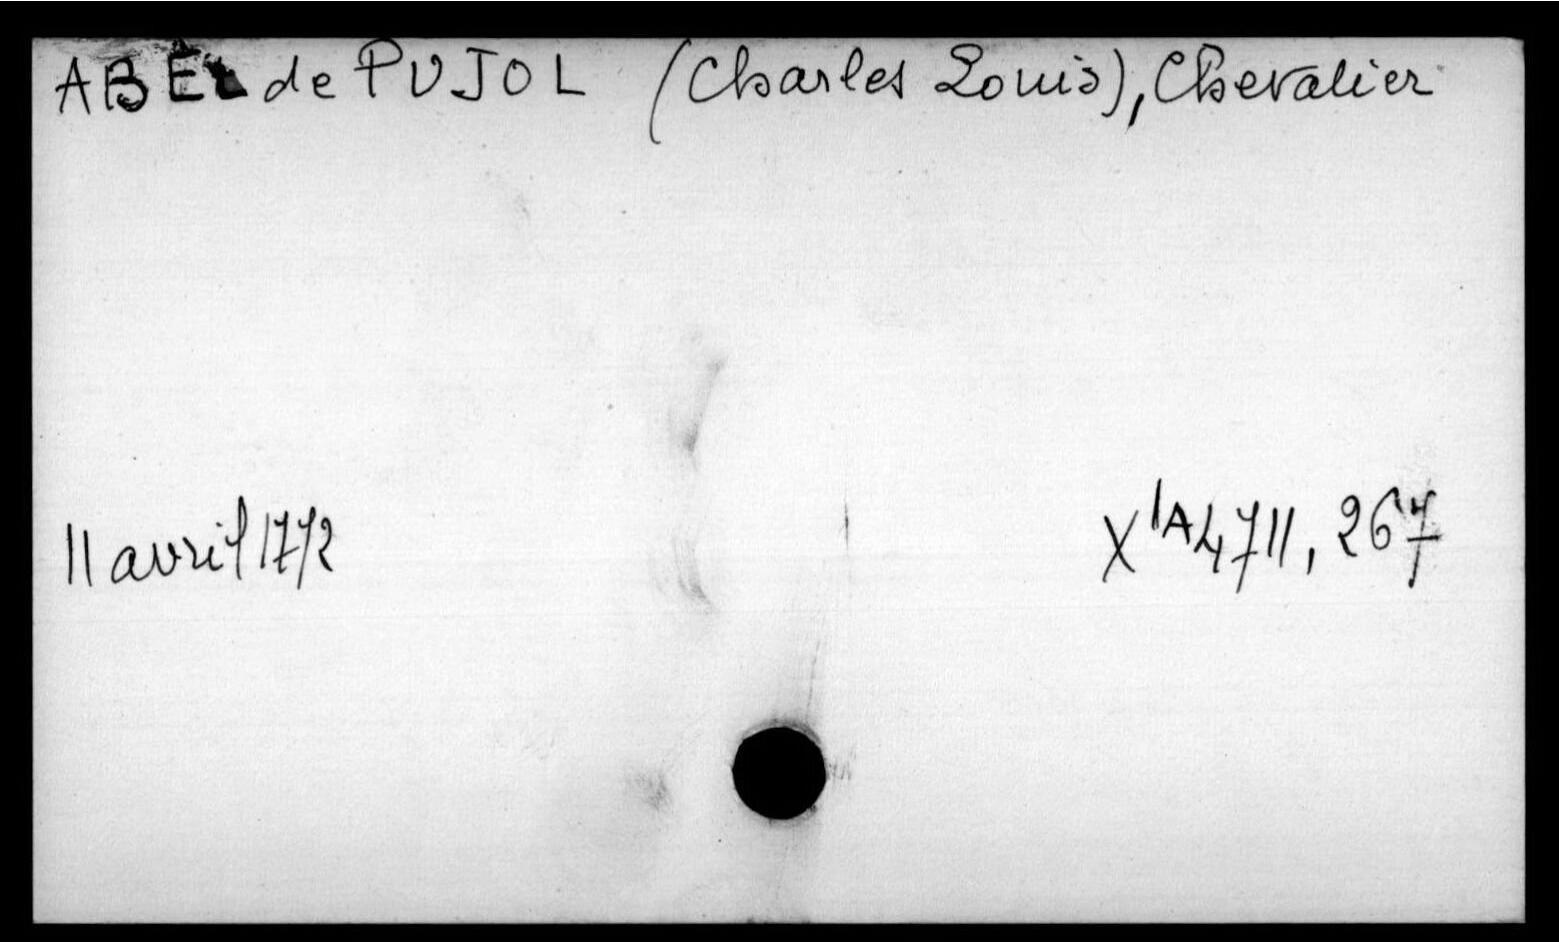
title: ABE de PUJOL (Charles Louis), Chevalier
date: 11 avril 1772
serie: X1A
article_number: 4711
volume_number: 267
